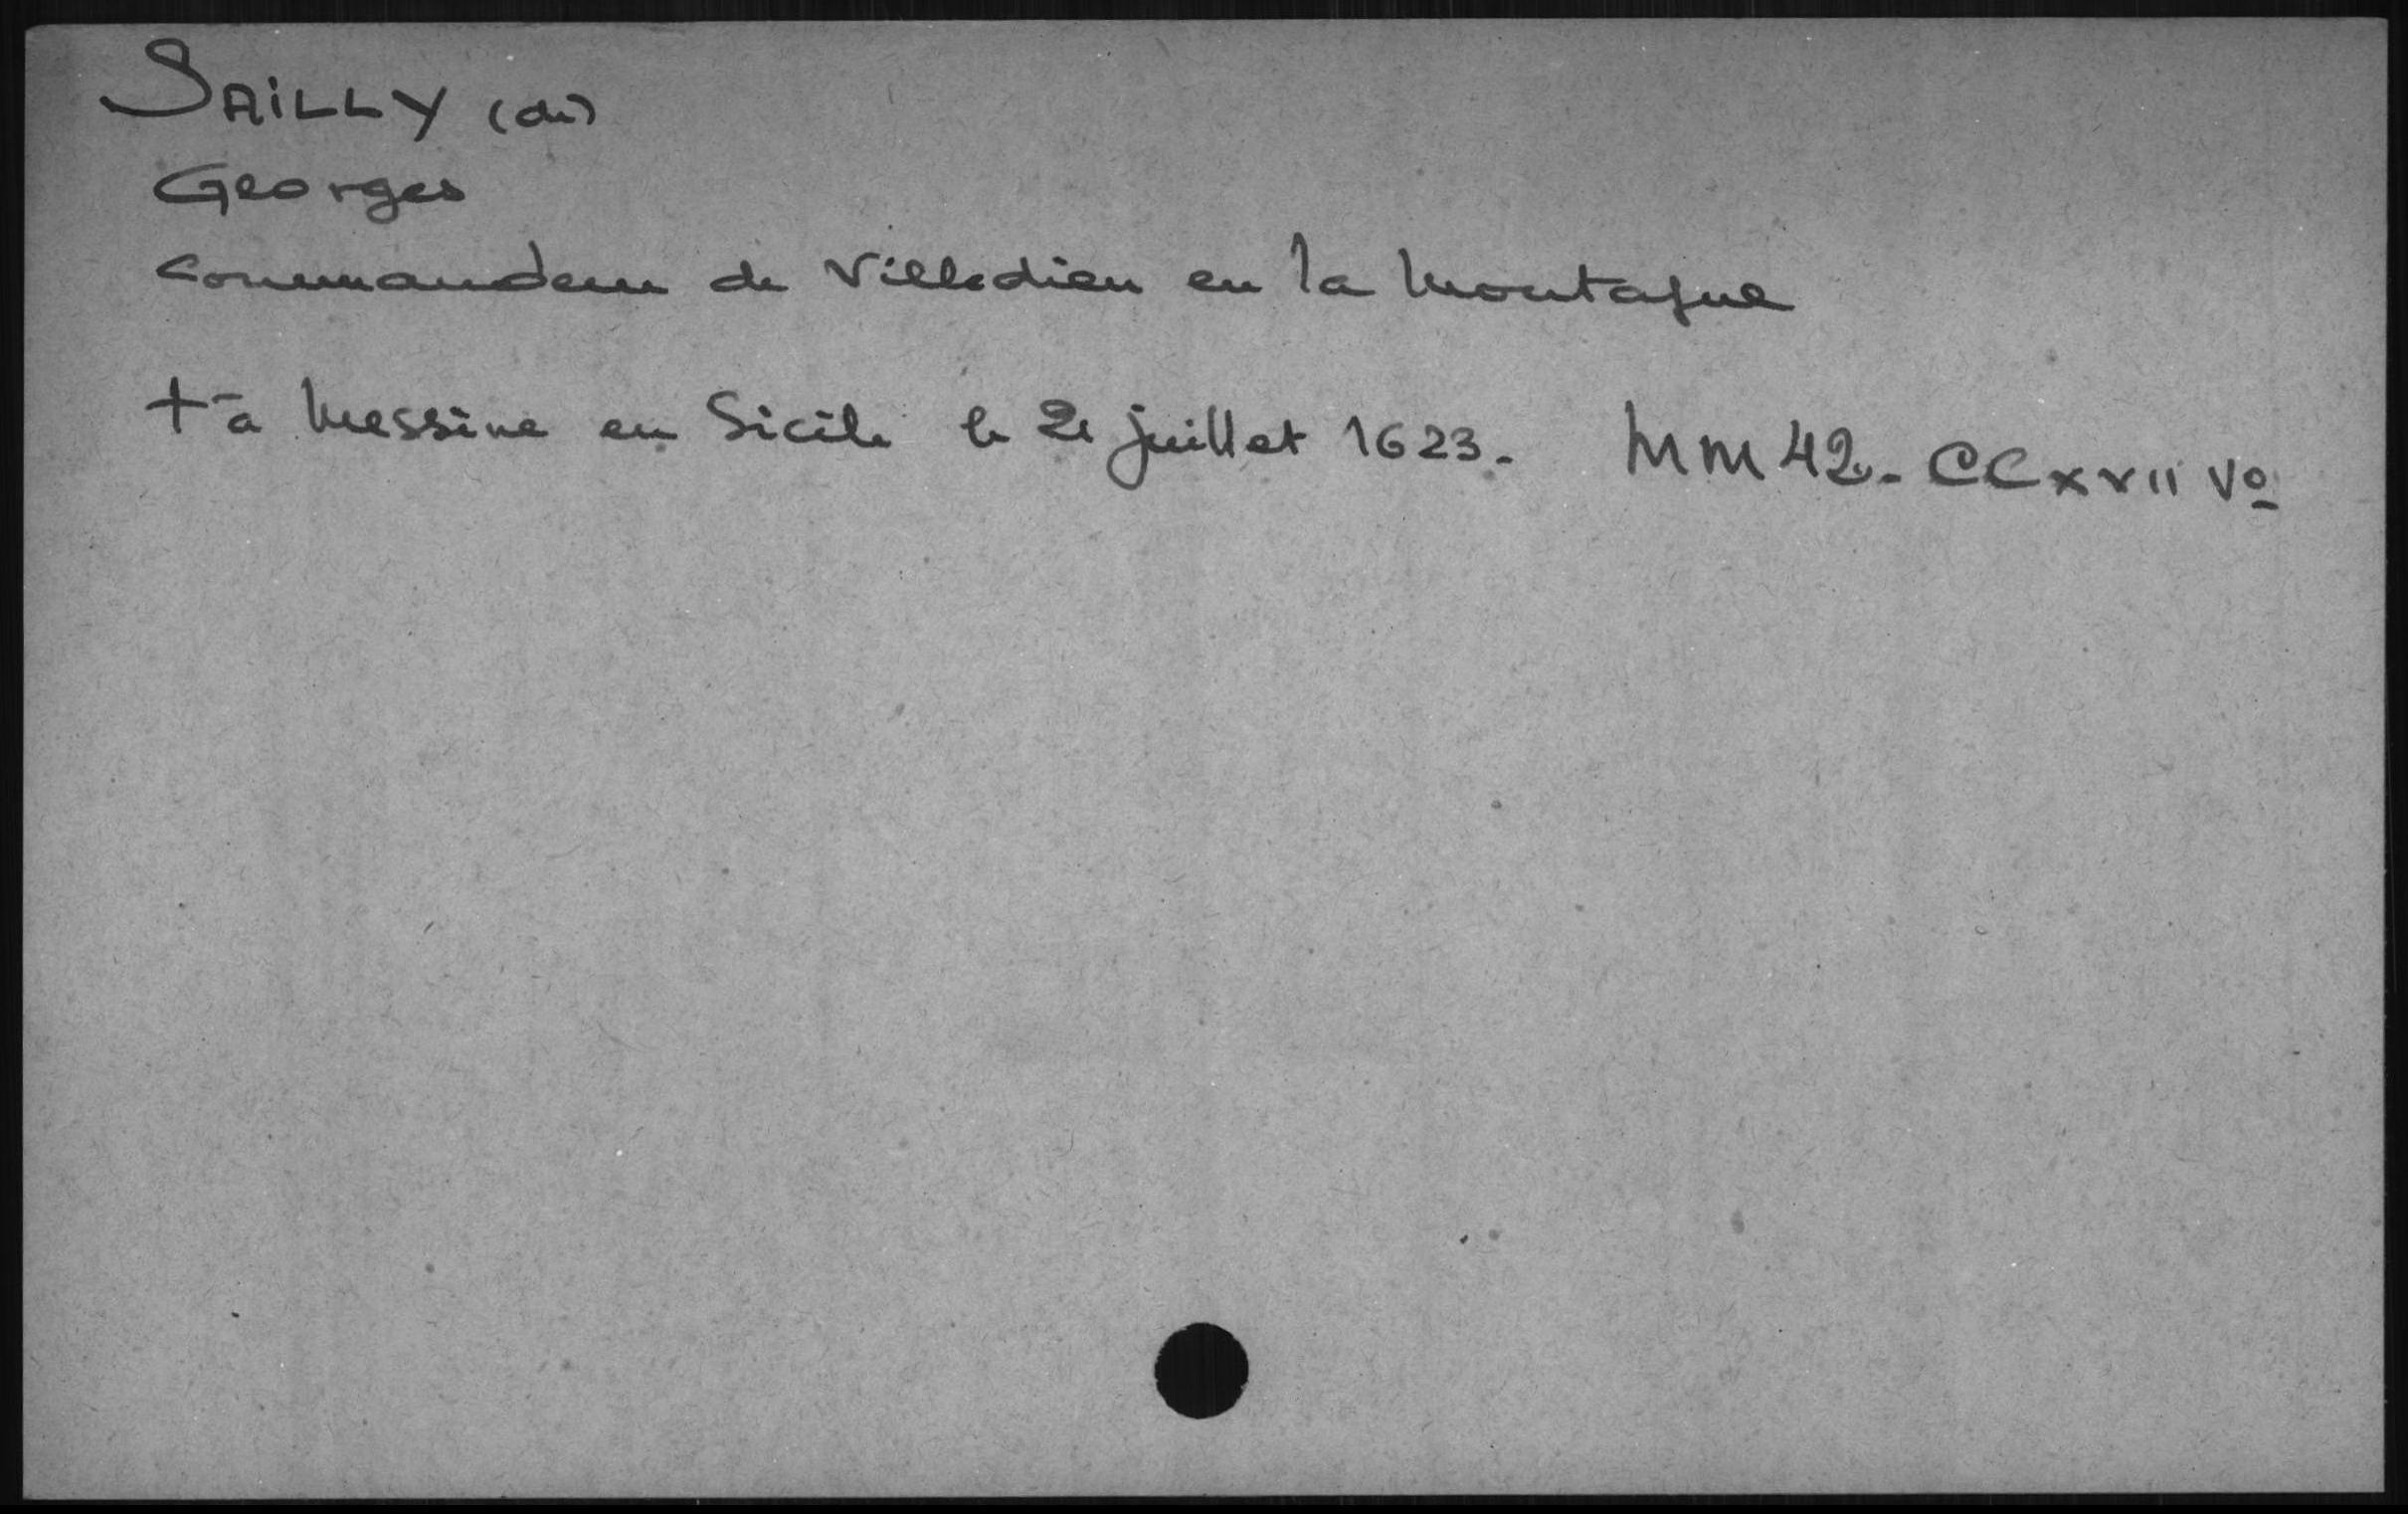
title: SAILLY (de), Georges, commandeur de Villedieu en la Montagne
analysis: + à Messine en Sicile le 21 juillet 1623. MM 42, CCXVIIv
